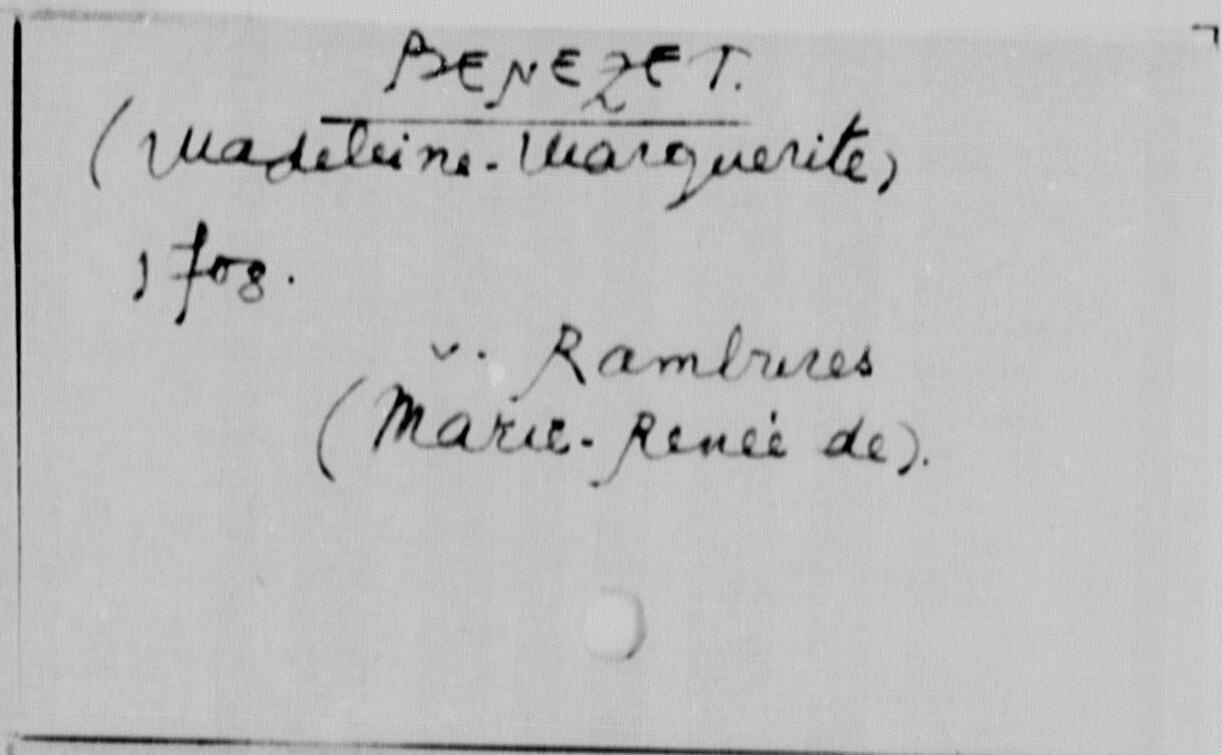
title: BENEZET (Madeleine-Marguerite)
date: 1708
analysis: Voir : RAMBURES (Marie-Renée de)
